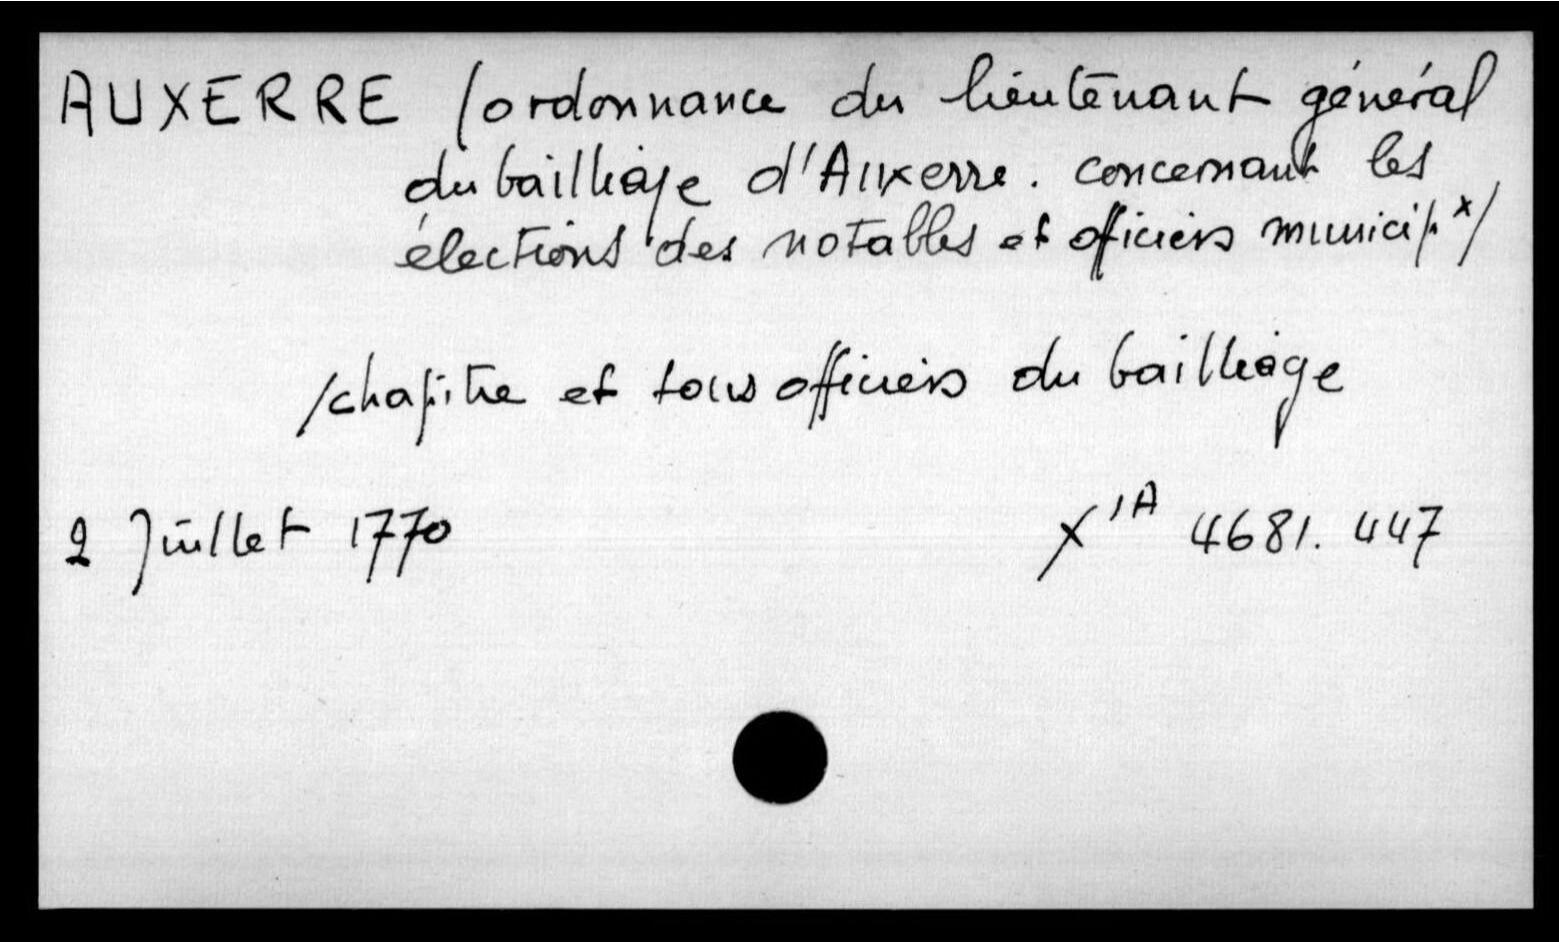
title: AUXERRE (Ordonnance du lieulenant général du bailliage d'Aixerre, concemant les élections des notables et officiers municipaux)
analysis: Contre chapitre et sous officiers du bailliage
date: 2 juillet 1770
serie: X1A
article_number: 4681
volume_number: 447
